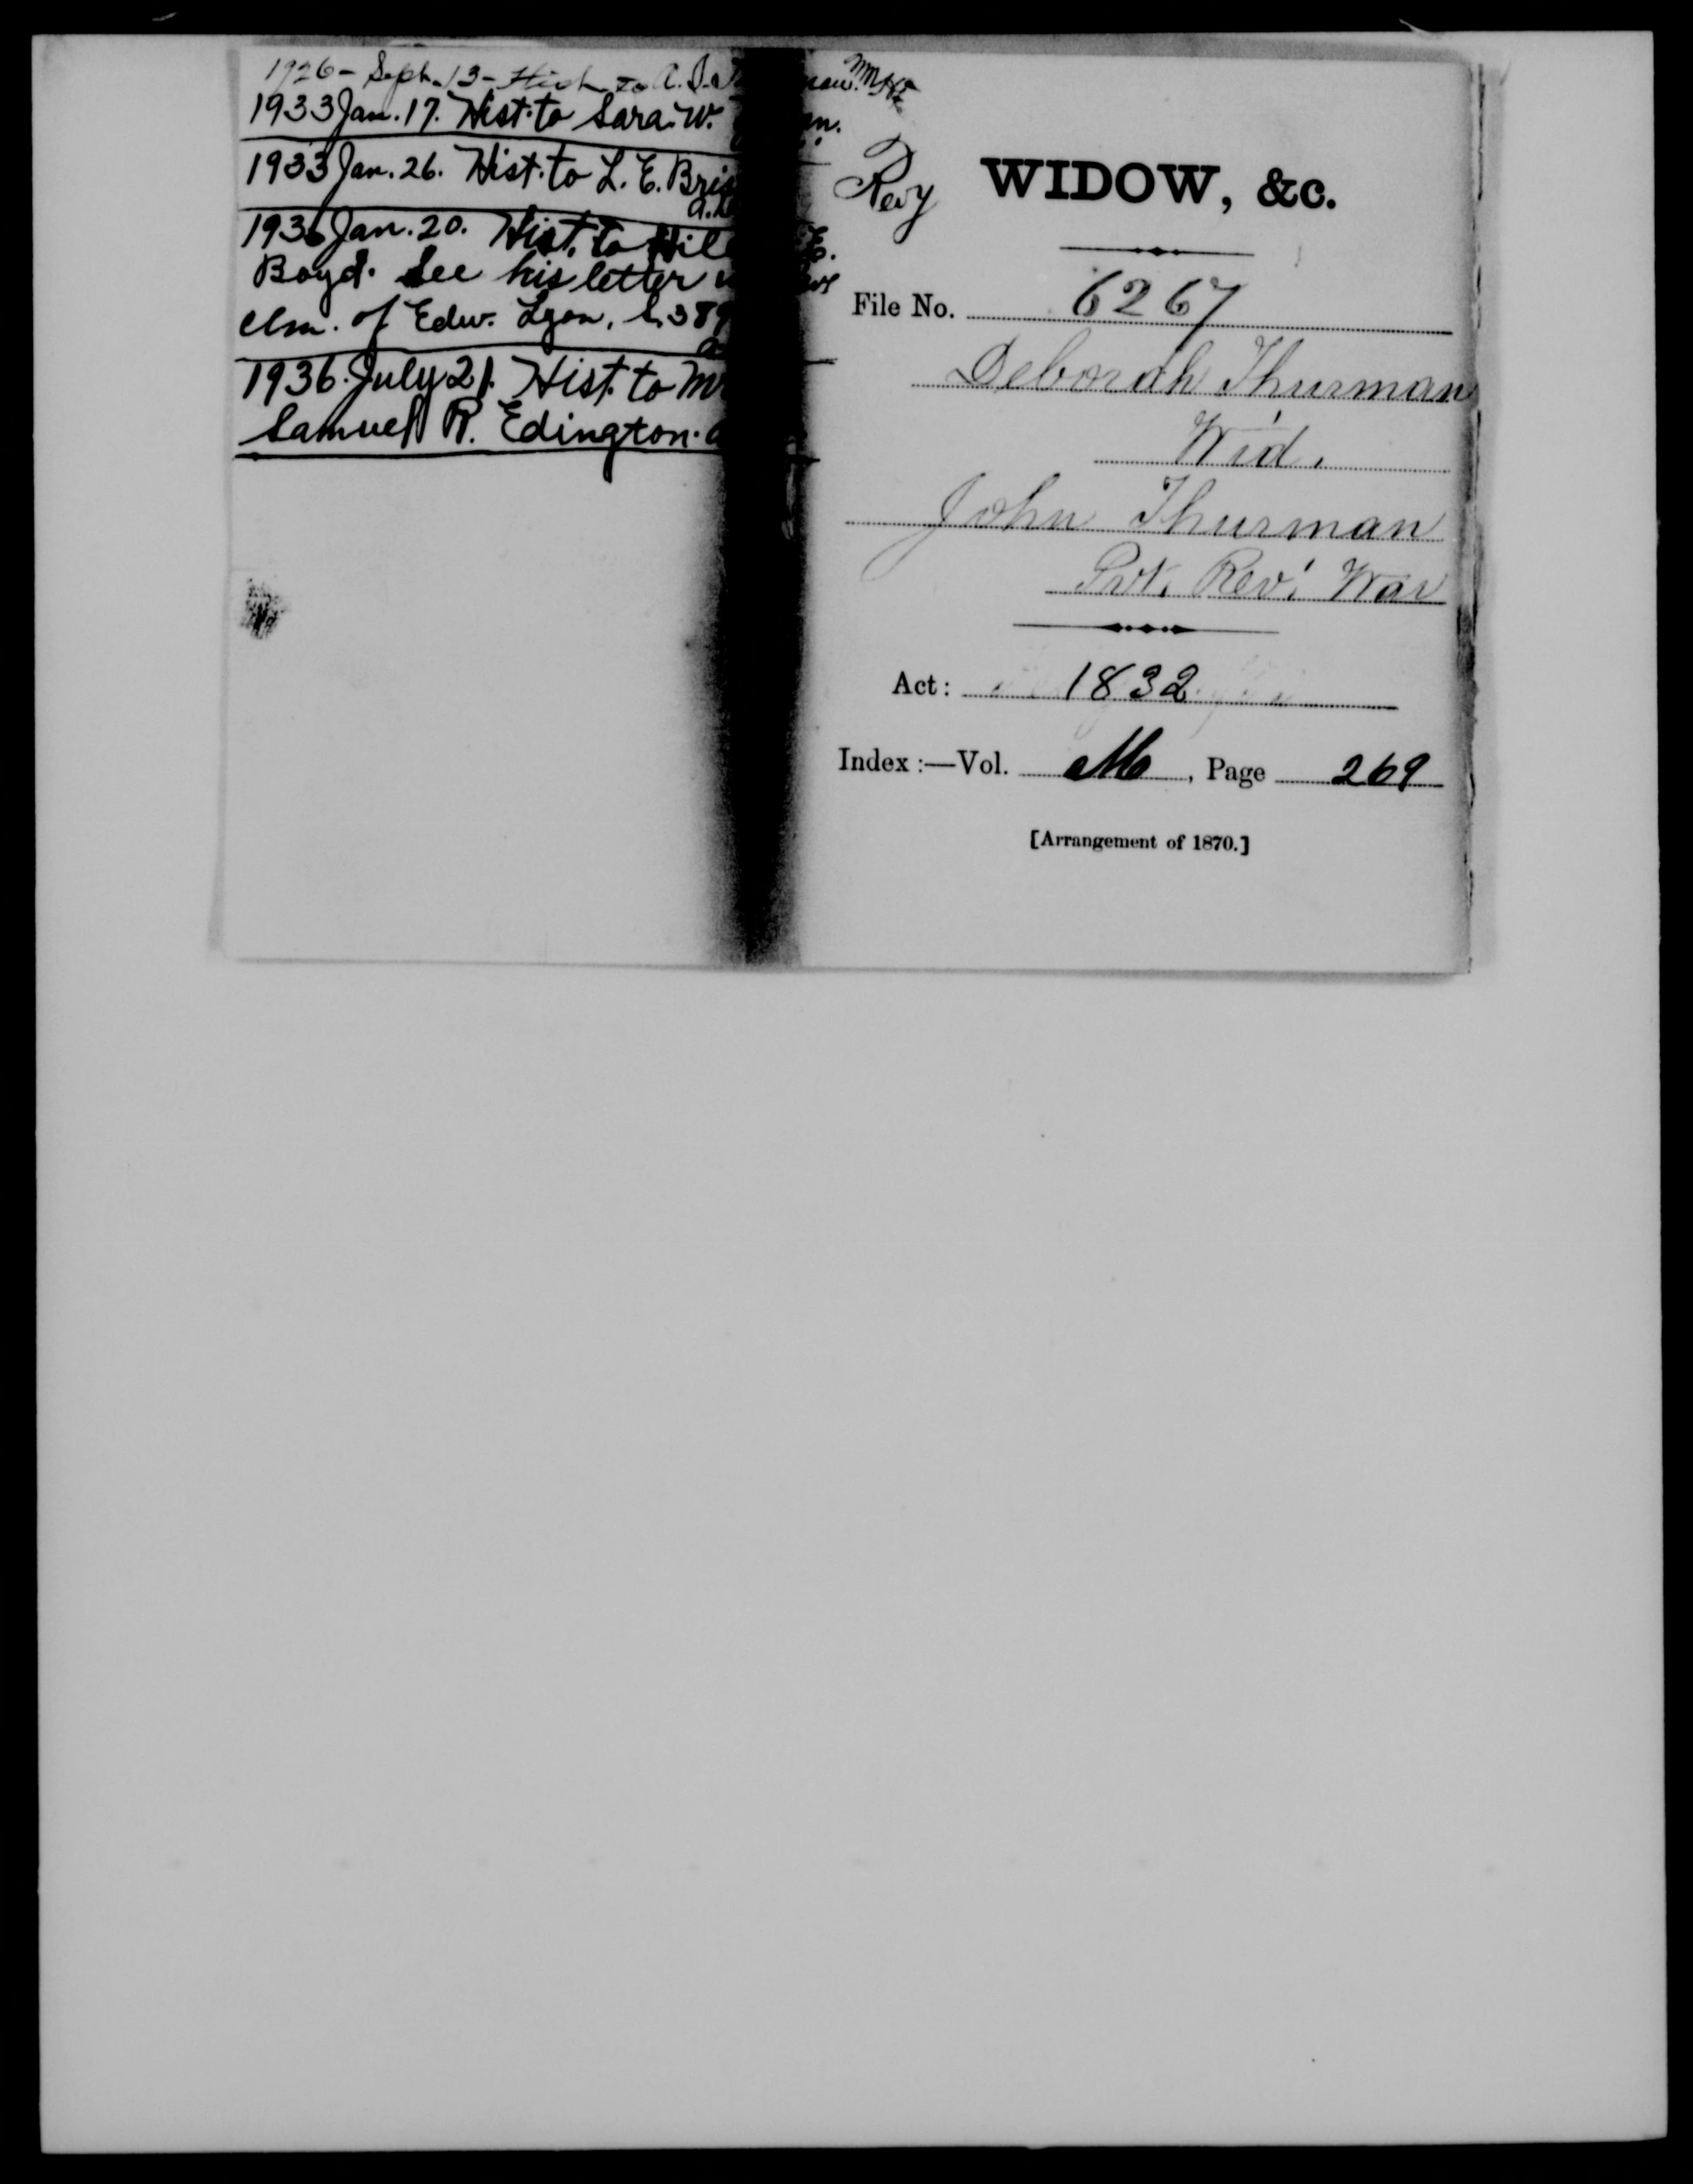1926 Sept. 13. - Hist. to A. D. [illegible]
1933 Jan. 17. Hist. to Sara. W. [illegible] 
1933 Jan . 26. Hist. to L.E. Bris [illegible] A. 
1936 Jan. 20. Hist. to Hil [illegible] E. Boyd. See his letter [illegible] clm. of Edw. Lyon , S. 387 [illegible]
1936. July 21. Hist. to  Mr[illegible] Samuel R. Edington [Illegible]                                             ( MMH )
[preprinted for with handwritten answers] 
Revy WIDOW, & c.  
File No. 6267 
Deborah  Thurman 
wid. 
John Thurman  
Pvt. Rev : War 
Act : 1832 
Index : - Vol. M , Page 269 
[Arrangement of 1870.]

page: 29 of 53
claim: widow's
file: W. 6,267, for John Thurman, Georgia